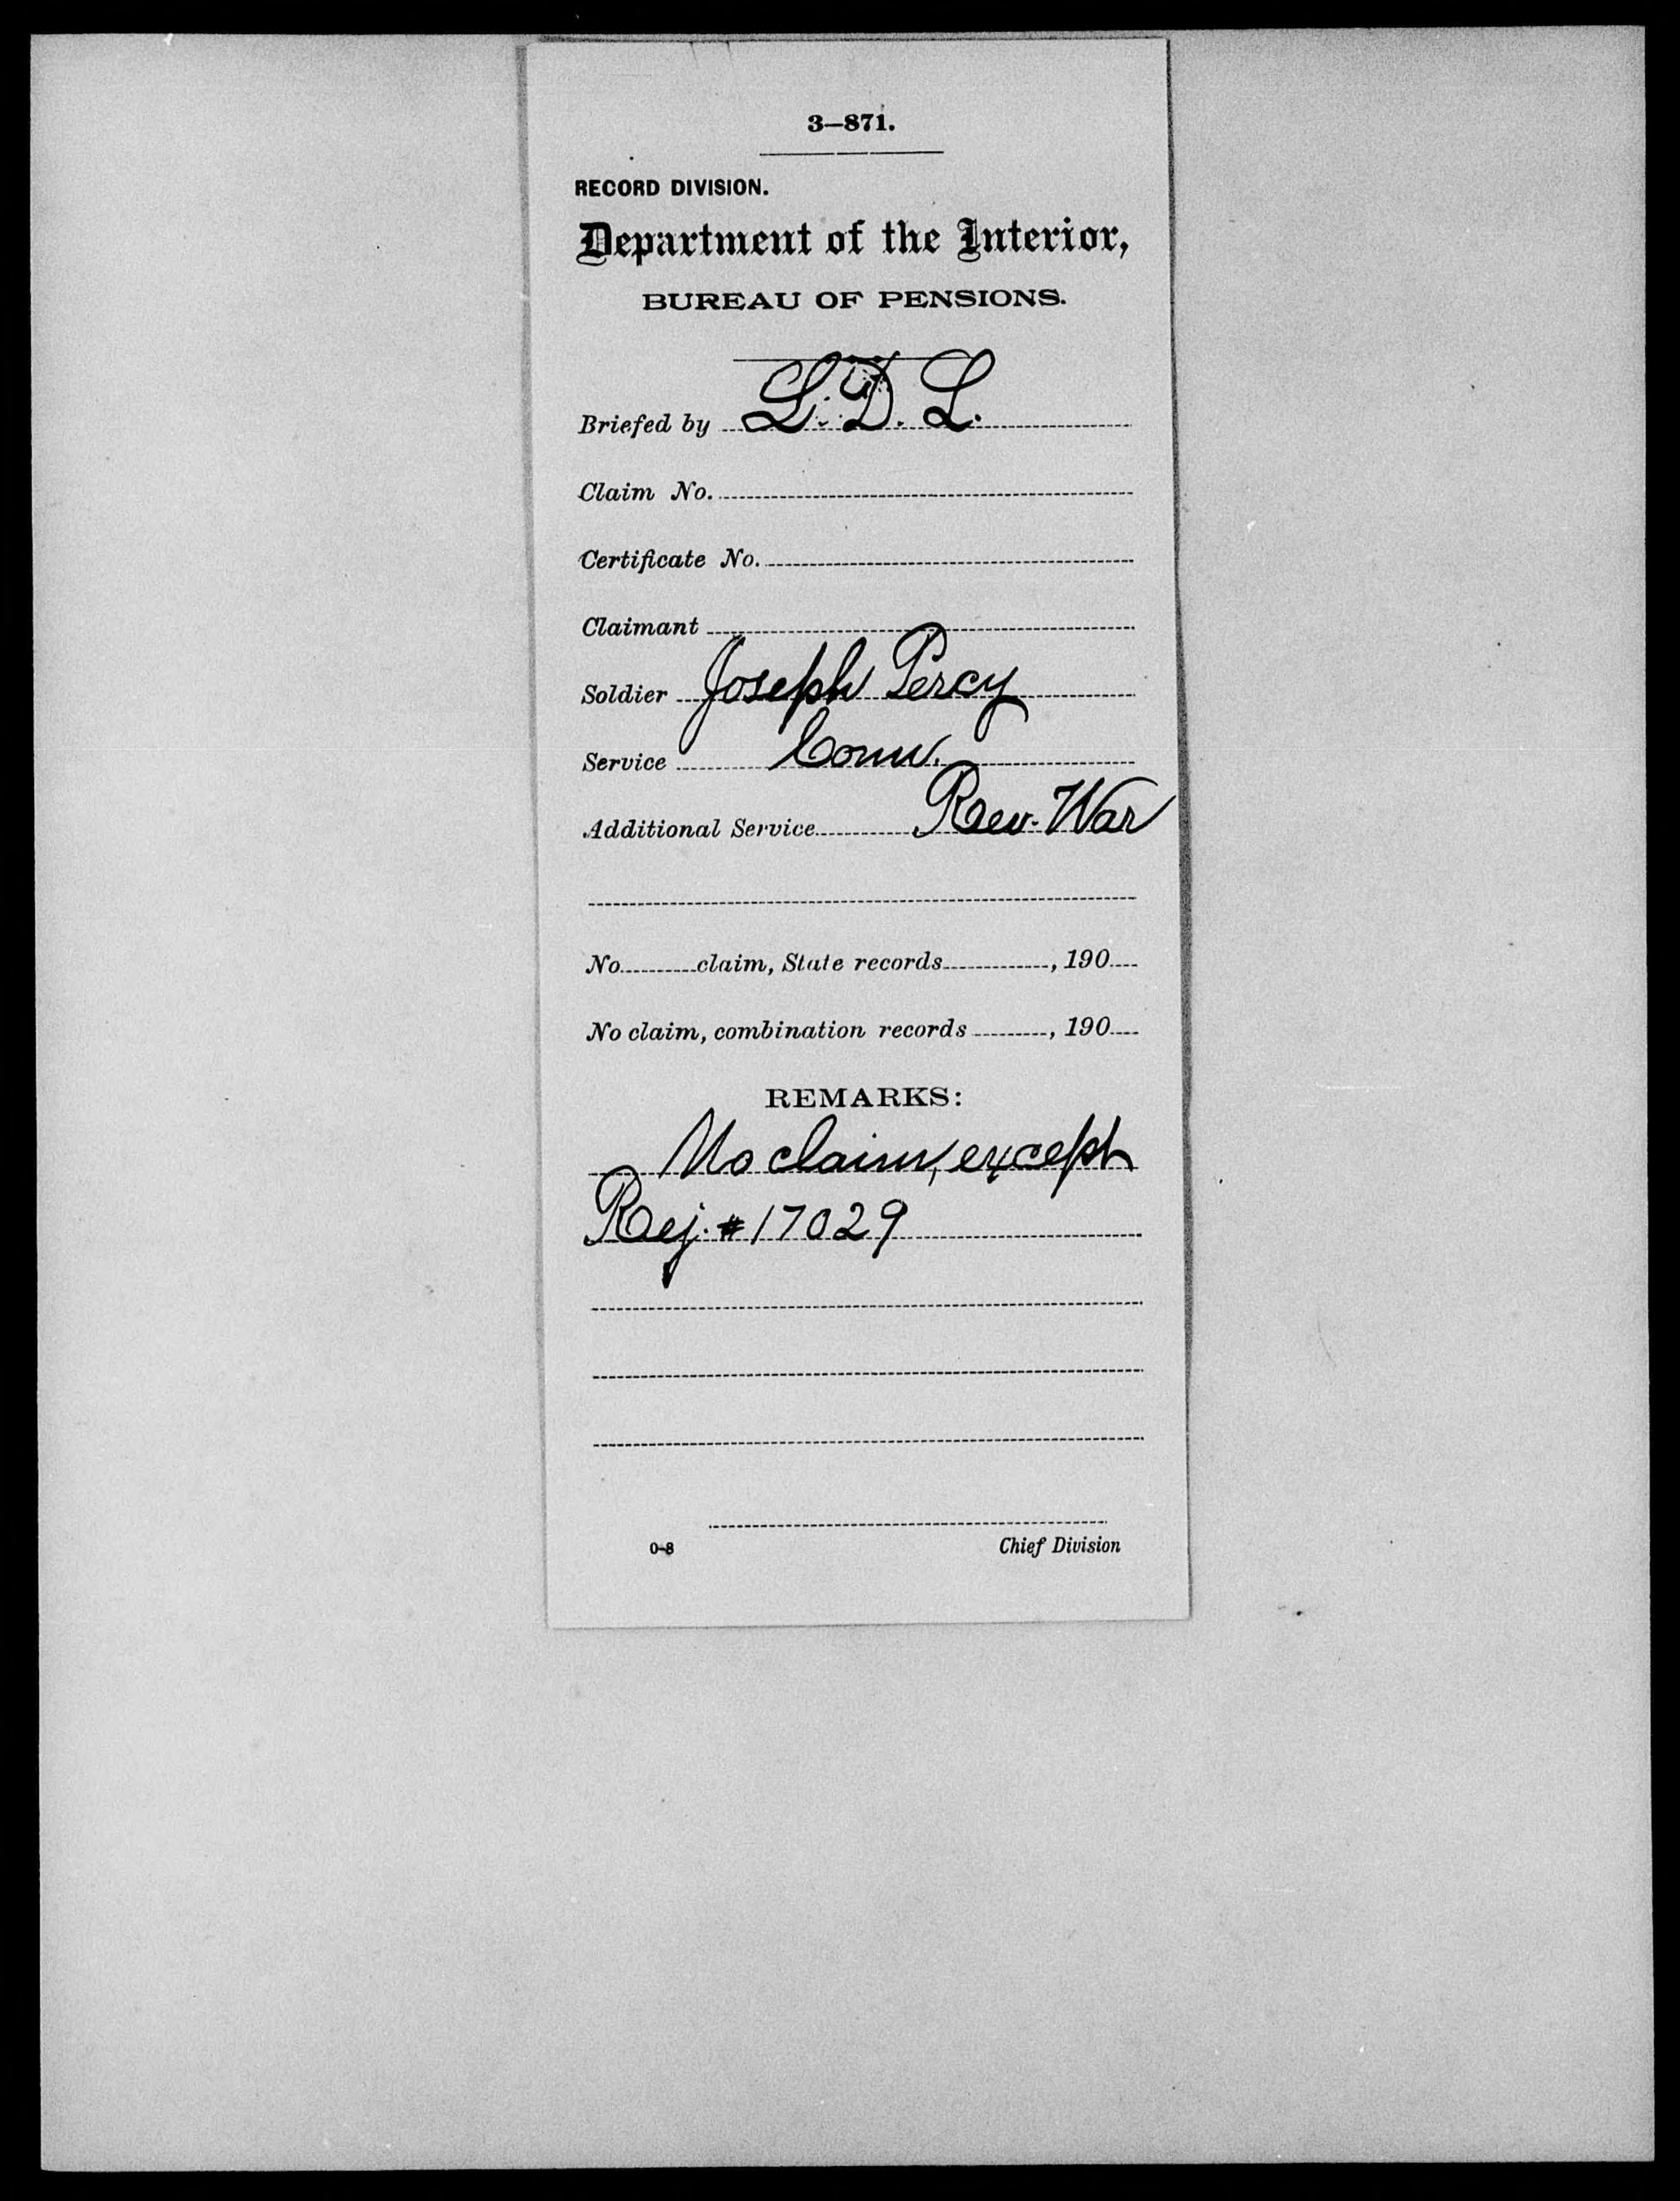3-871

RECORD DIVISION

Department of the Interior
Bureau of Pensions

Briefed by    L.D.L.
Claim No
Certificate No.
Soldier                   Joseph Percy
Service                   Conn.
Additional Service

No       claim, State records             , 190_
No claim, combination records       , 190_

                          REMARKS
No claim, except Rej. #17029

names: Joseph Percy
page: 8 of 20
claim: rejected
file: R. 17029, for Joseph Percy, Connecticut